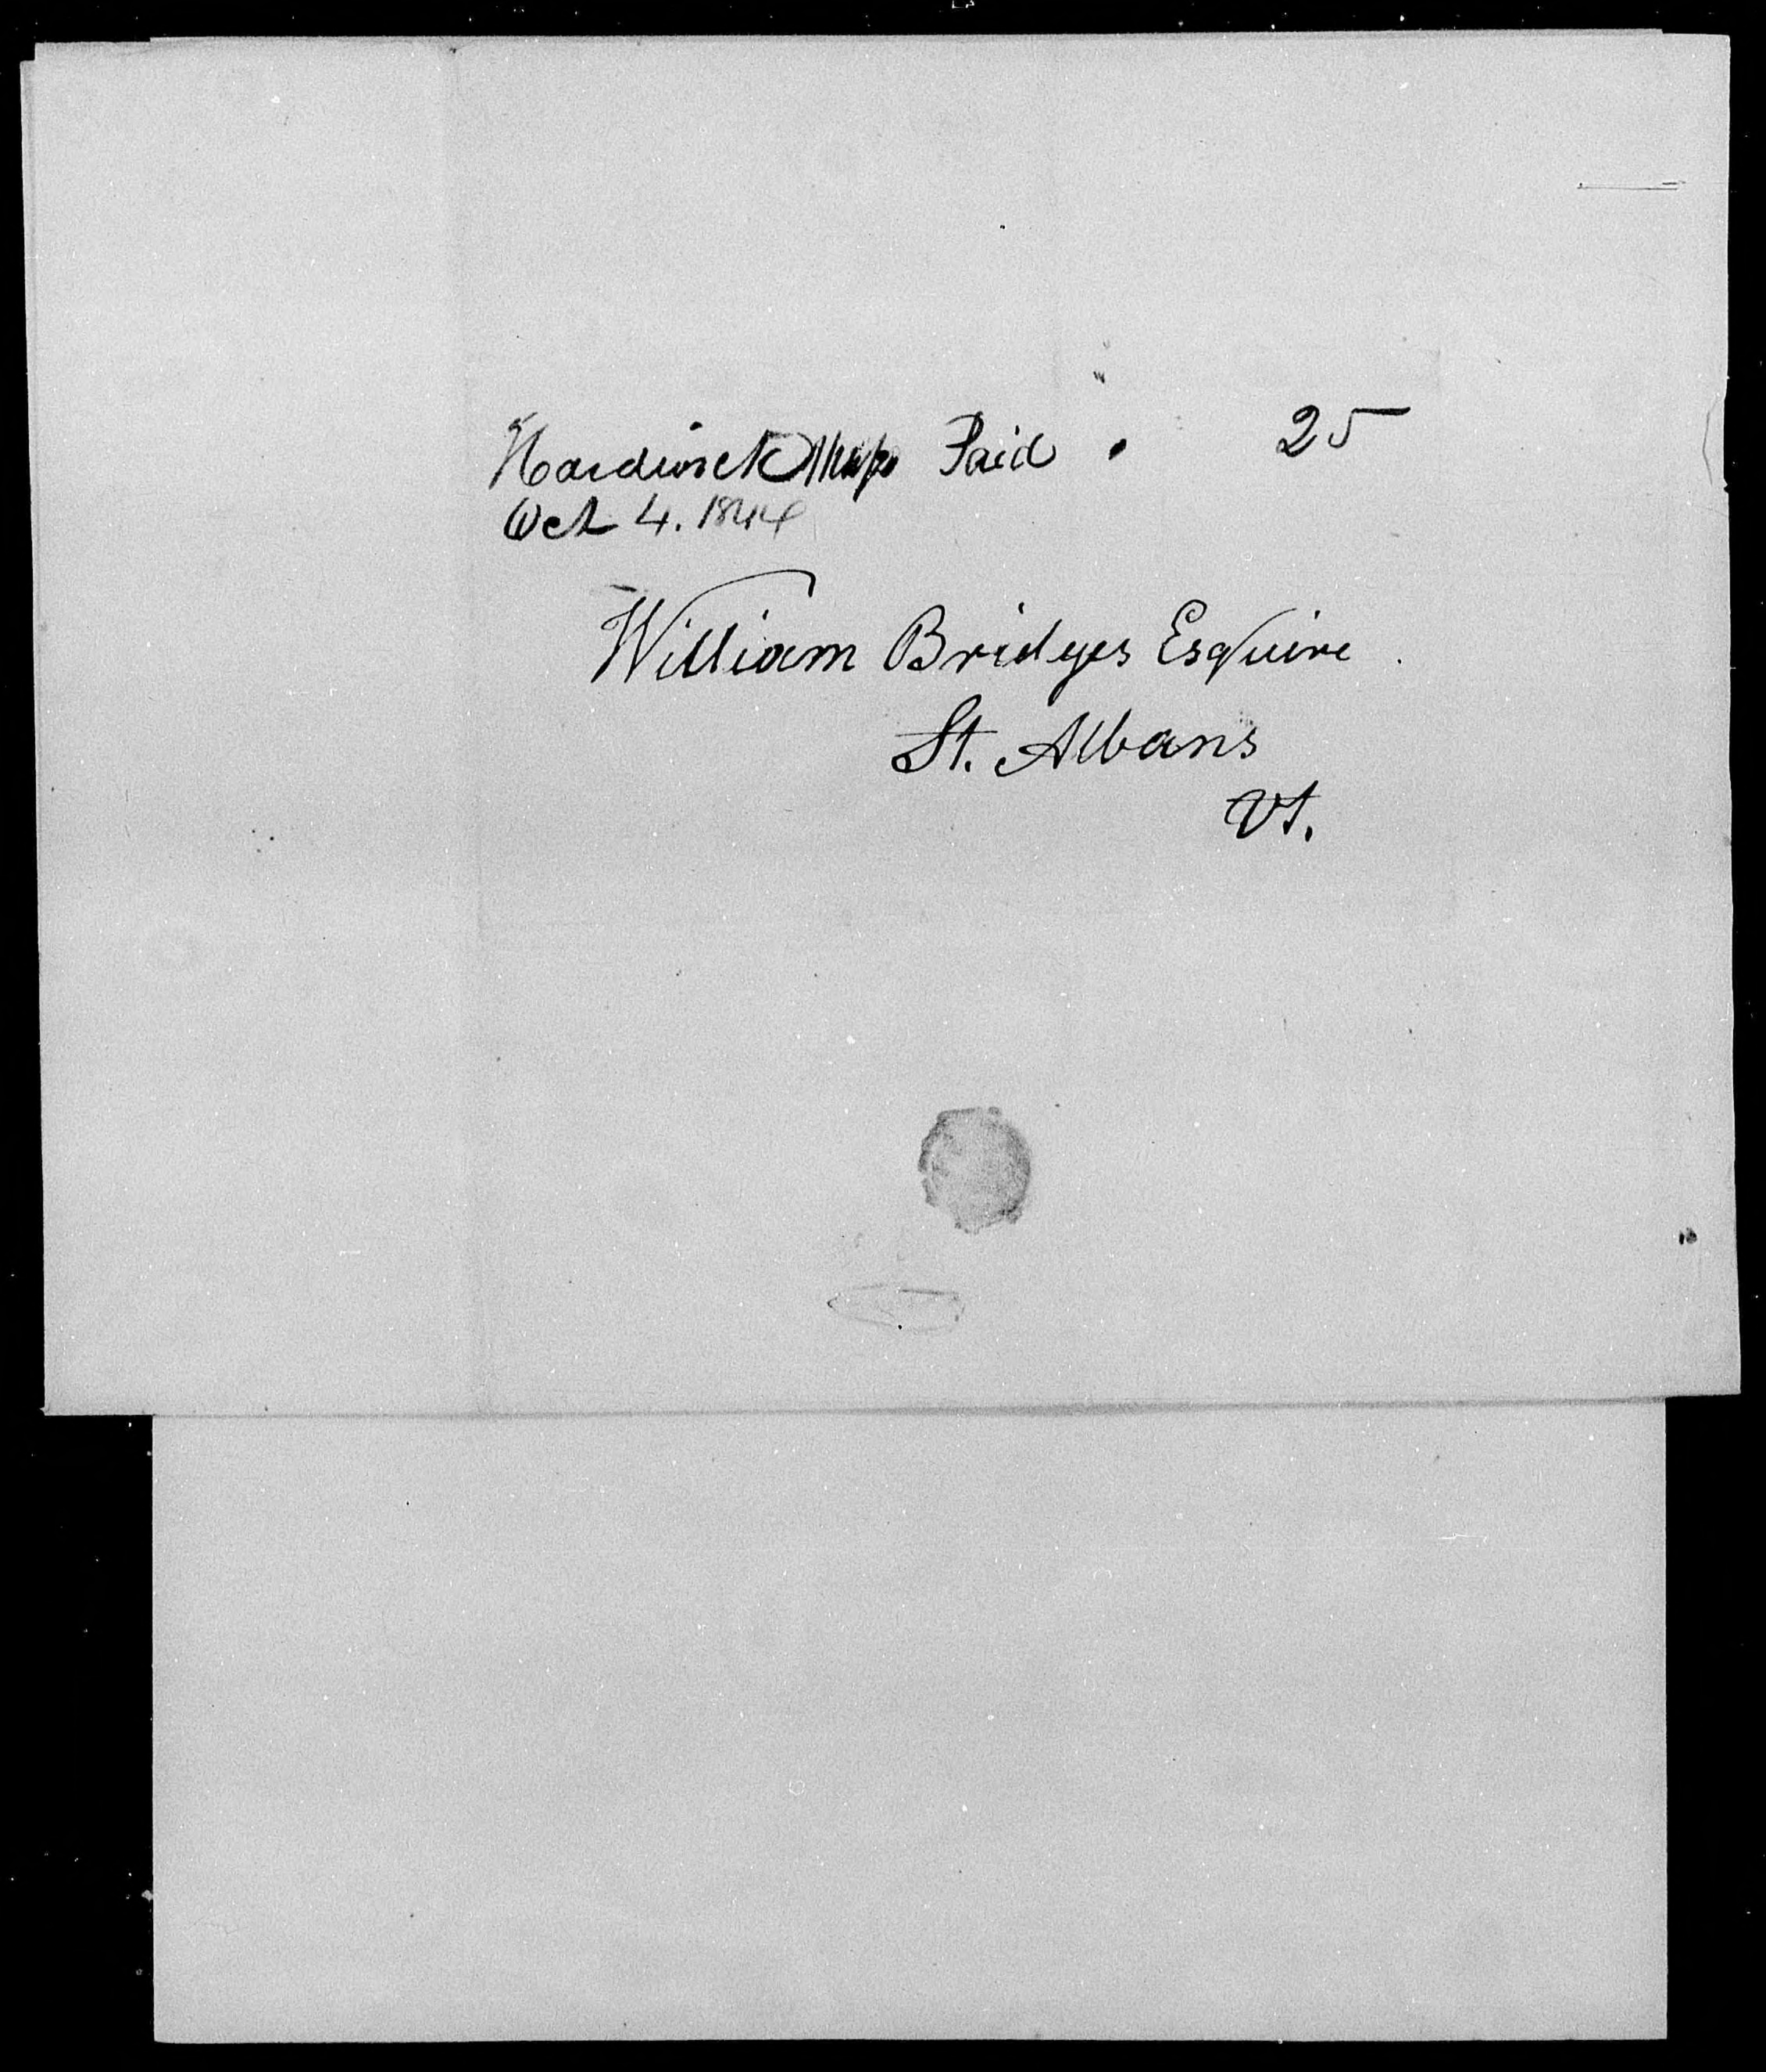Hardwick [illegible] Paid 25
Oct 4, 1844
William Bridges Esquire
St. Albans
Vt.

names: William Bridges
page: 13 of 40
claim: widow's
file: W. 15168, for Foster Paige, Massachusetts